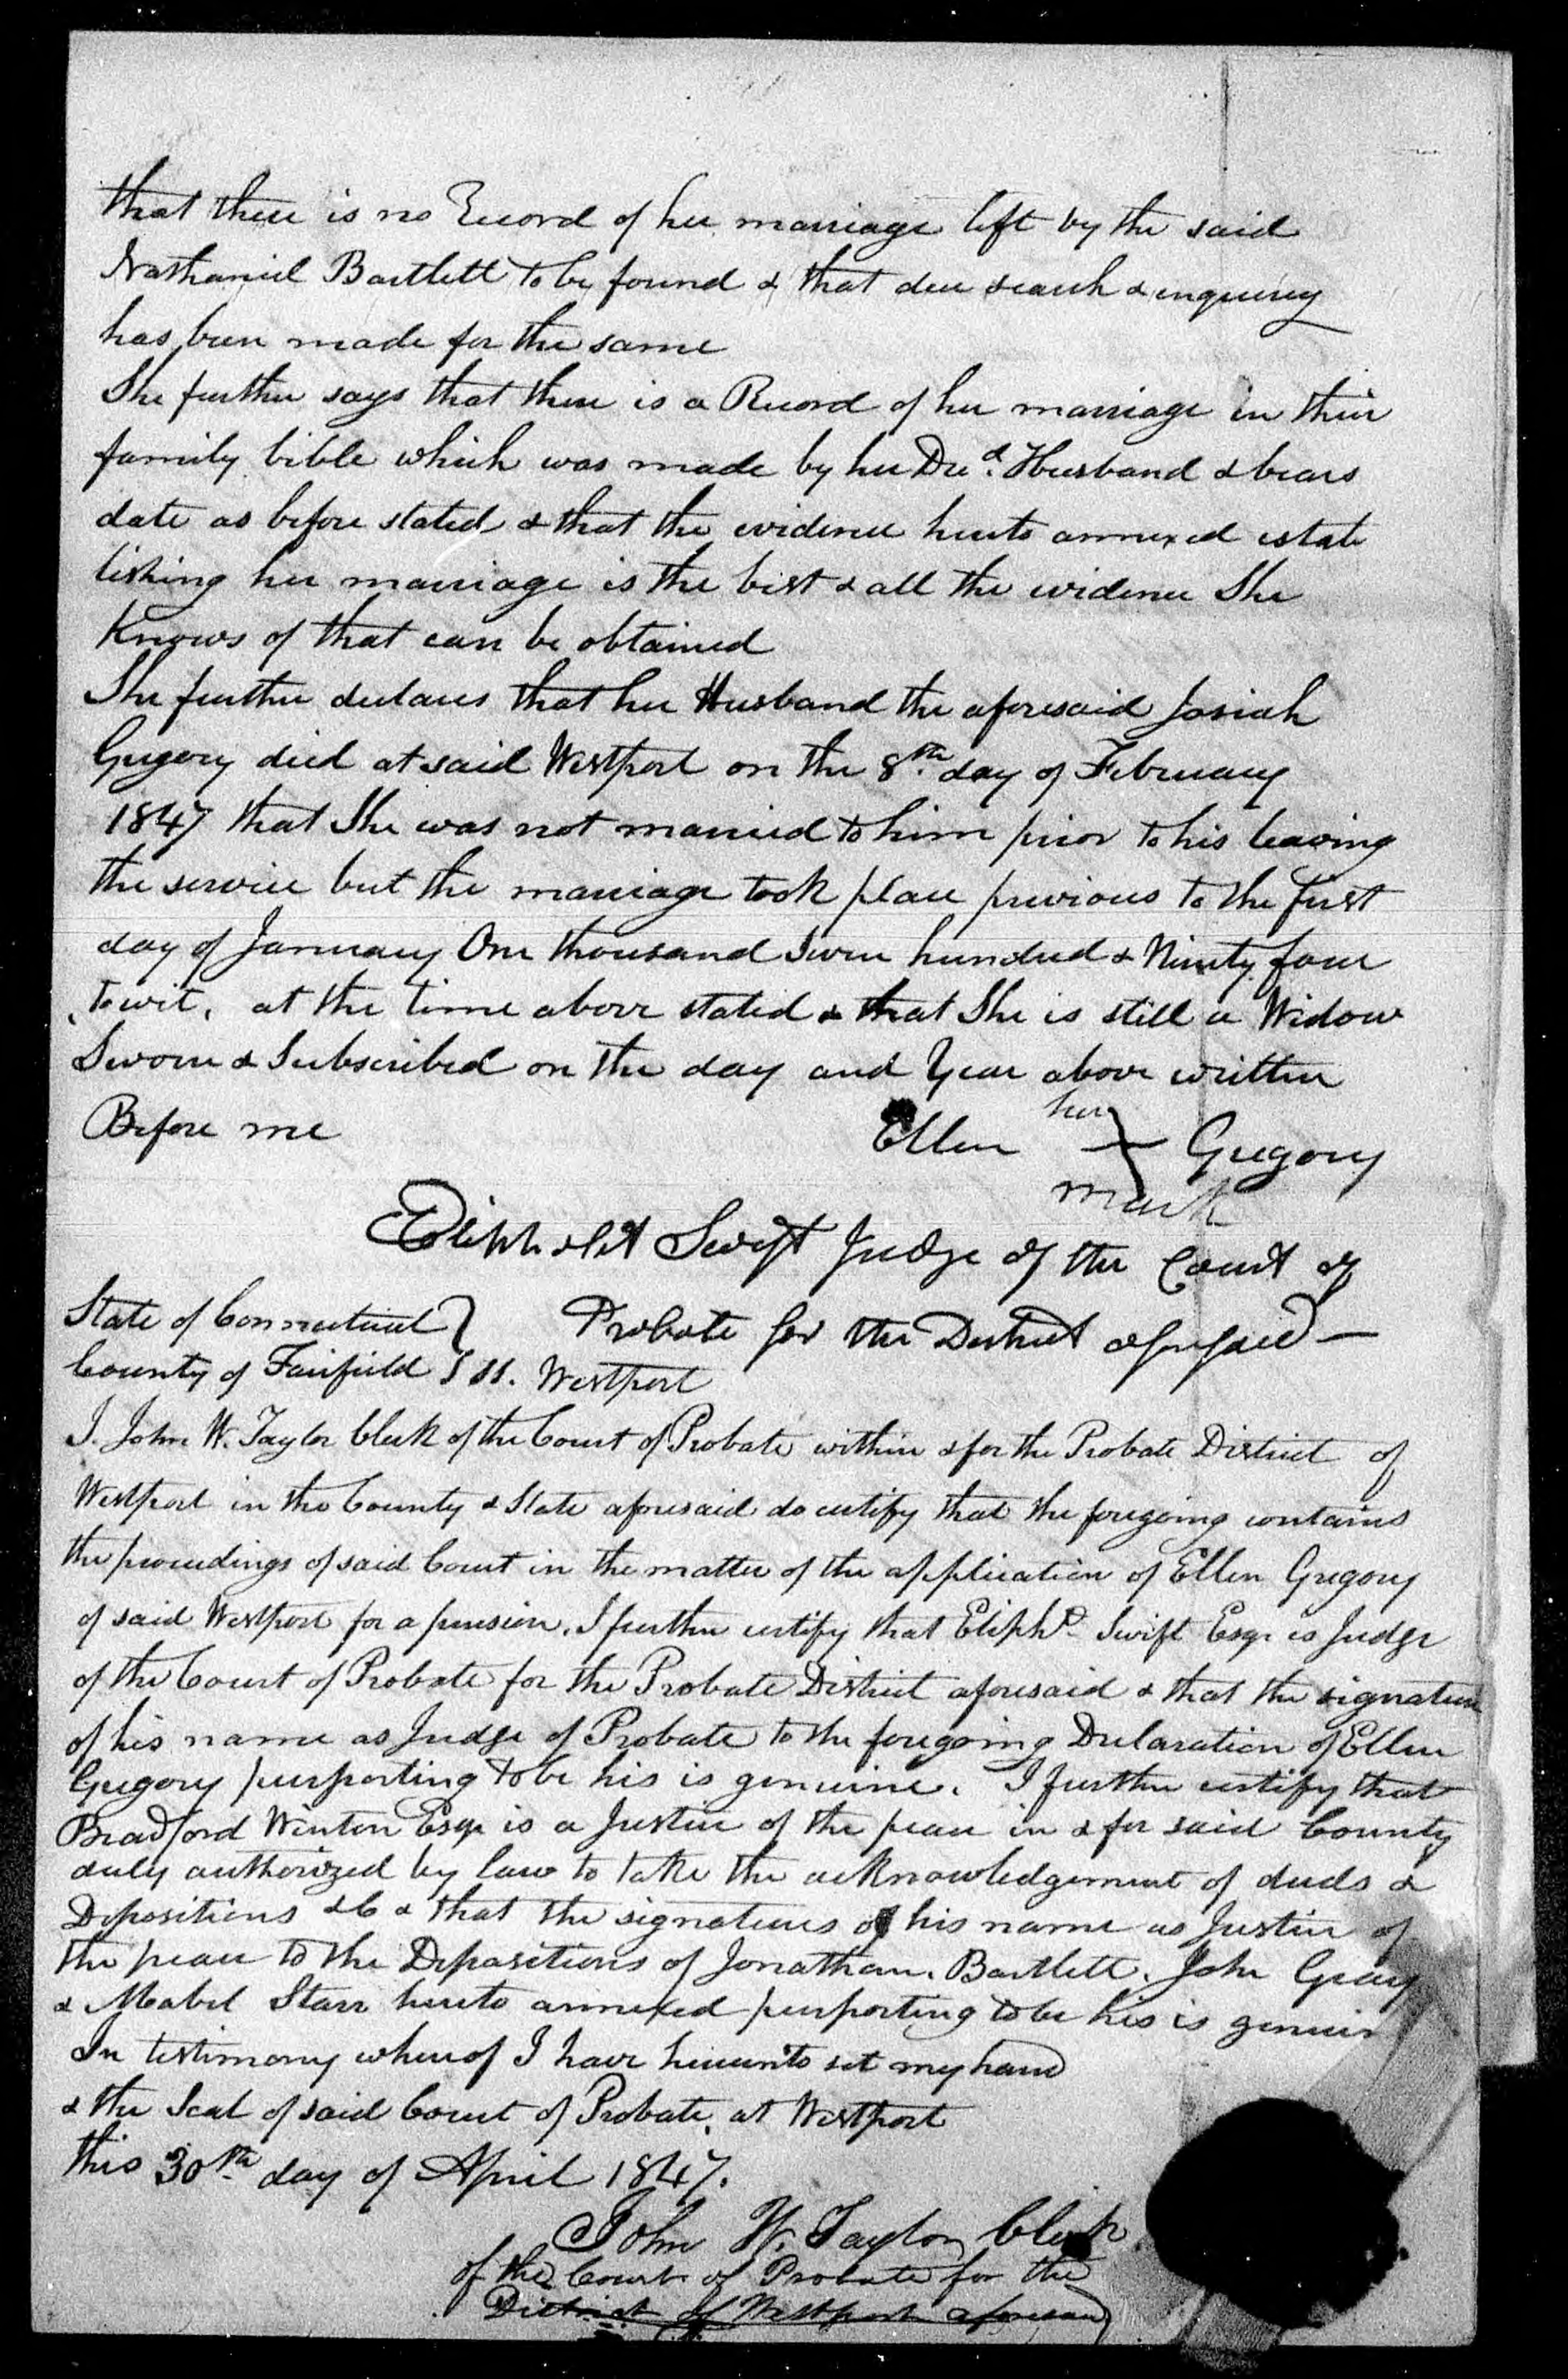that there is a Record of her marriage left by the said Nathaniel Bartlett to be found & that due search & inquiry has been made for the same
She further says that there is a Record of her marriage in their family bile which was made by her Decd. Husband & bears date as before stated & that the evidence hereto annexed state her liking her marriage is the best & all the evidence She knows of that can be obtained
She further declares that her Husband the aforesaid Josiah Gregory died at said Westport on the 8th day of February 1847 that she was not married too him prior to his leaving the service but the marriage took place previous to the first day of January One thousand  seven hundred & Ninety four to wit, at the time above stated & that She is still a Widow
                                           her
                    [Signed]  Ellen   X   Gregory
                                           mark

Sworn & Subscribed on the day and Year above written
  [Signed]  Eliphalet Swift Judge of the Court of
                       Probate for the District aforesaid

State of Connecticut
County of Fairfield} SS Westport
I John W. Taylor Clerk of the Court of Probate within & from the Probate District of Westport in the County & State aforesaid do certify that the foregoing contains the proceeding of said Court in the matter of the application of Ellen Gregory of said Westport for a pension. I further certify that Eliphalet Swift Esqr is a Judge of the Court of Probate for the Probate District aforesaid & that the signature of his name as Judge of Probate to the foregoing Declaration of Ellen Gregory purporting to be his is genuine.  I further certify that Bradford Winter Esqr is a Justice of the peace in & for said County duly authorized by law to take the acknowledgement of deeds & Depositions [illegible] & that the signatures of his name as Justice of peace to the Depositions of Jonathan Bartlett, John Gray & Mabel Starr hereto annexed purporting to be his is genuine

In testimony whereof I have hereunto set my hand and the Seal of the said Court of Probate at Westport this 30th day of April 1847.
   [Signed]  John W. Taylor Clerk
                  of the Court of Probate for the
                   District of Westport aforesaid

             [Seal affixed on right of last signature]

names: John W Taylor, Eliphalet Swift, Bradford Winton, Ellen Gregory, Ellen Gregory, Ellen Gregory, John Gray, Nathaniel Bartlett, Elipht Swift, Jonathan Bartlett, Josiah Gregory, Mabel Starr, John W Taylor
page: 12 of 49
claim: widow's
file: W 24308, Josiah Gregory, Conn.